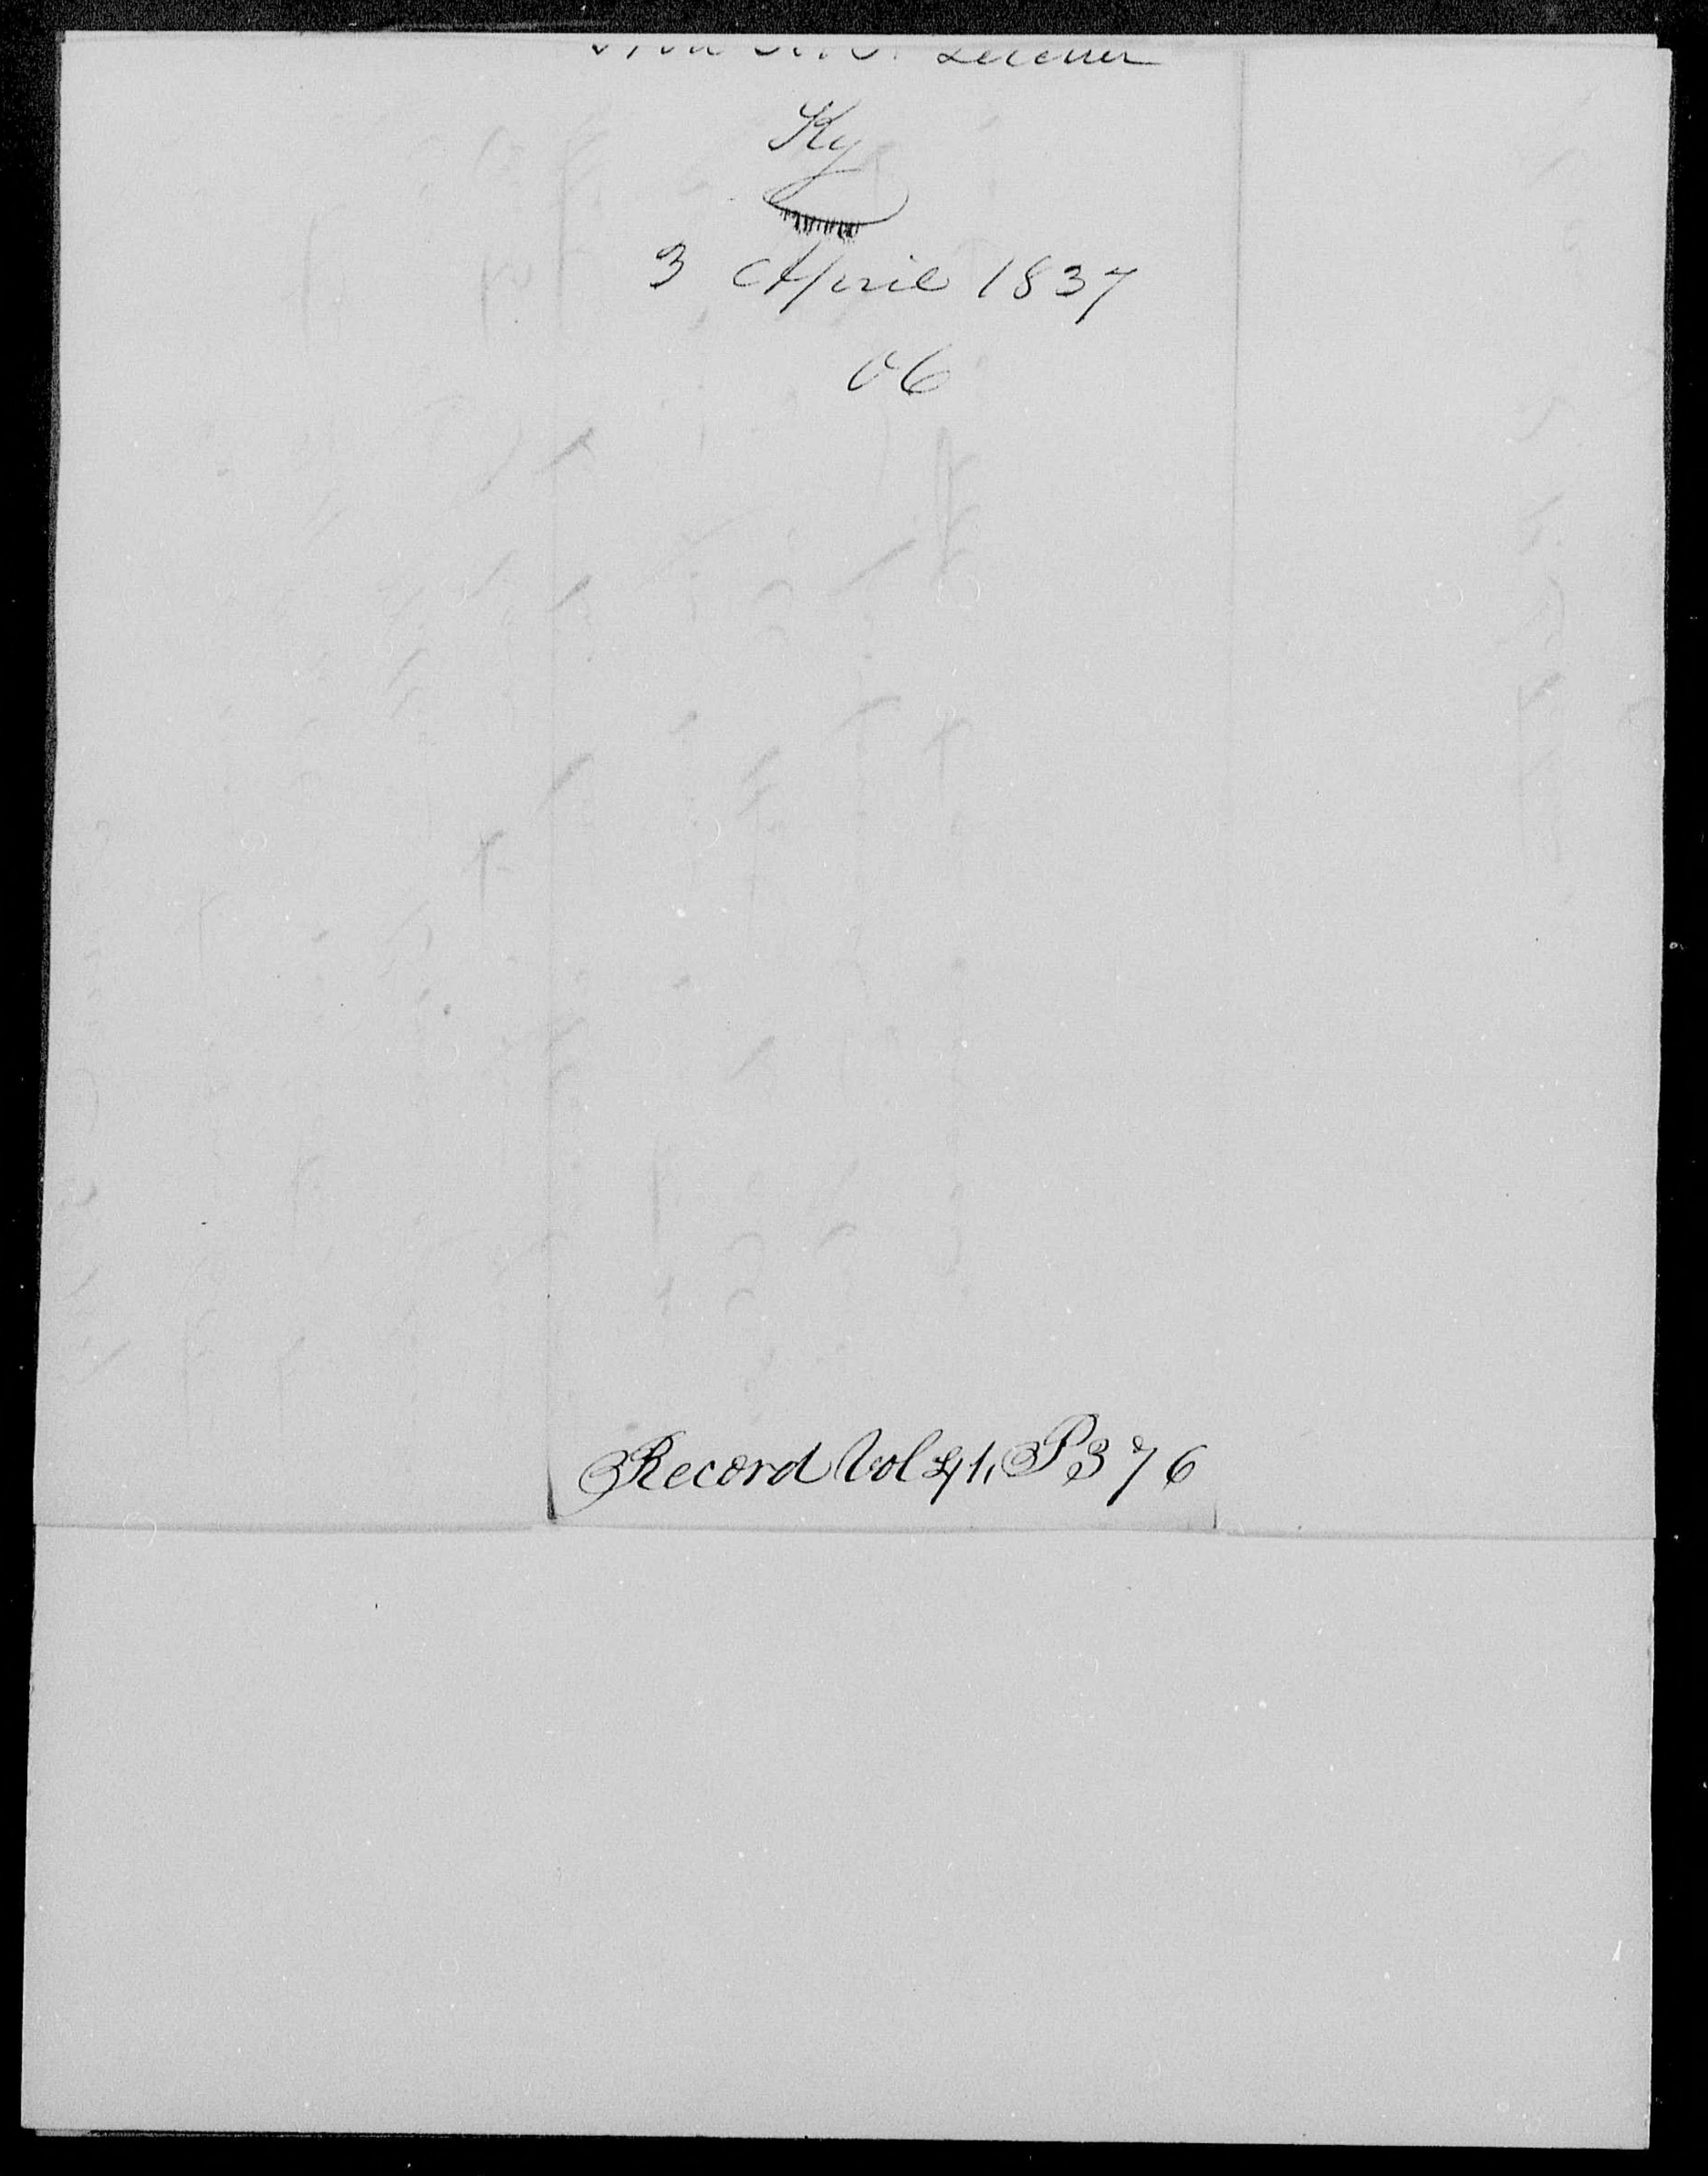Ky 
April 1837 
06

Record Vol. 41, P 376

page: 25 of 54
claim: survivor's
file: S. 30287, William Bruce, N.C.